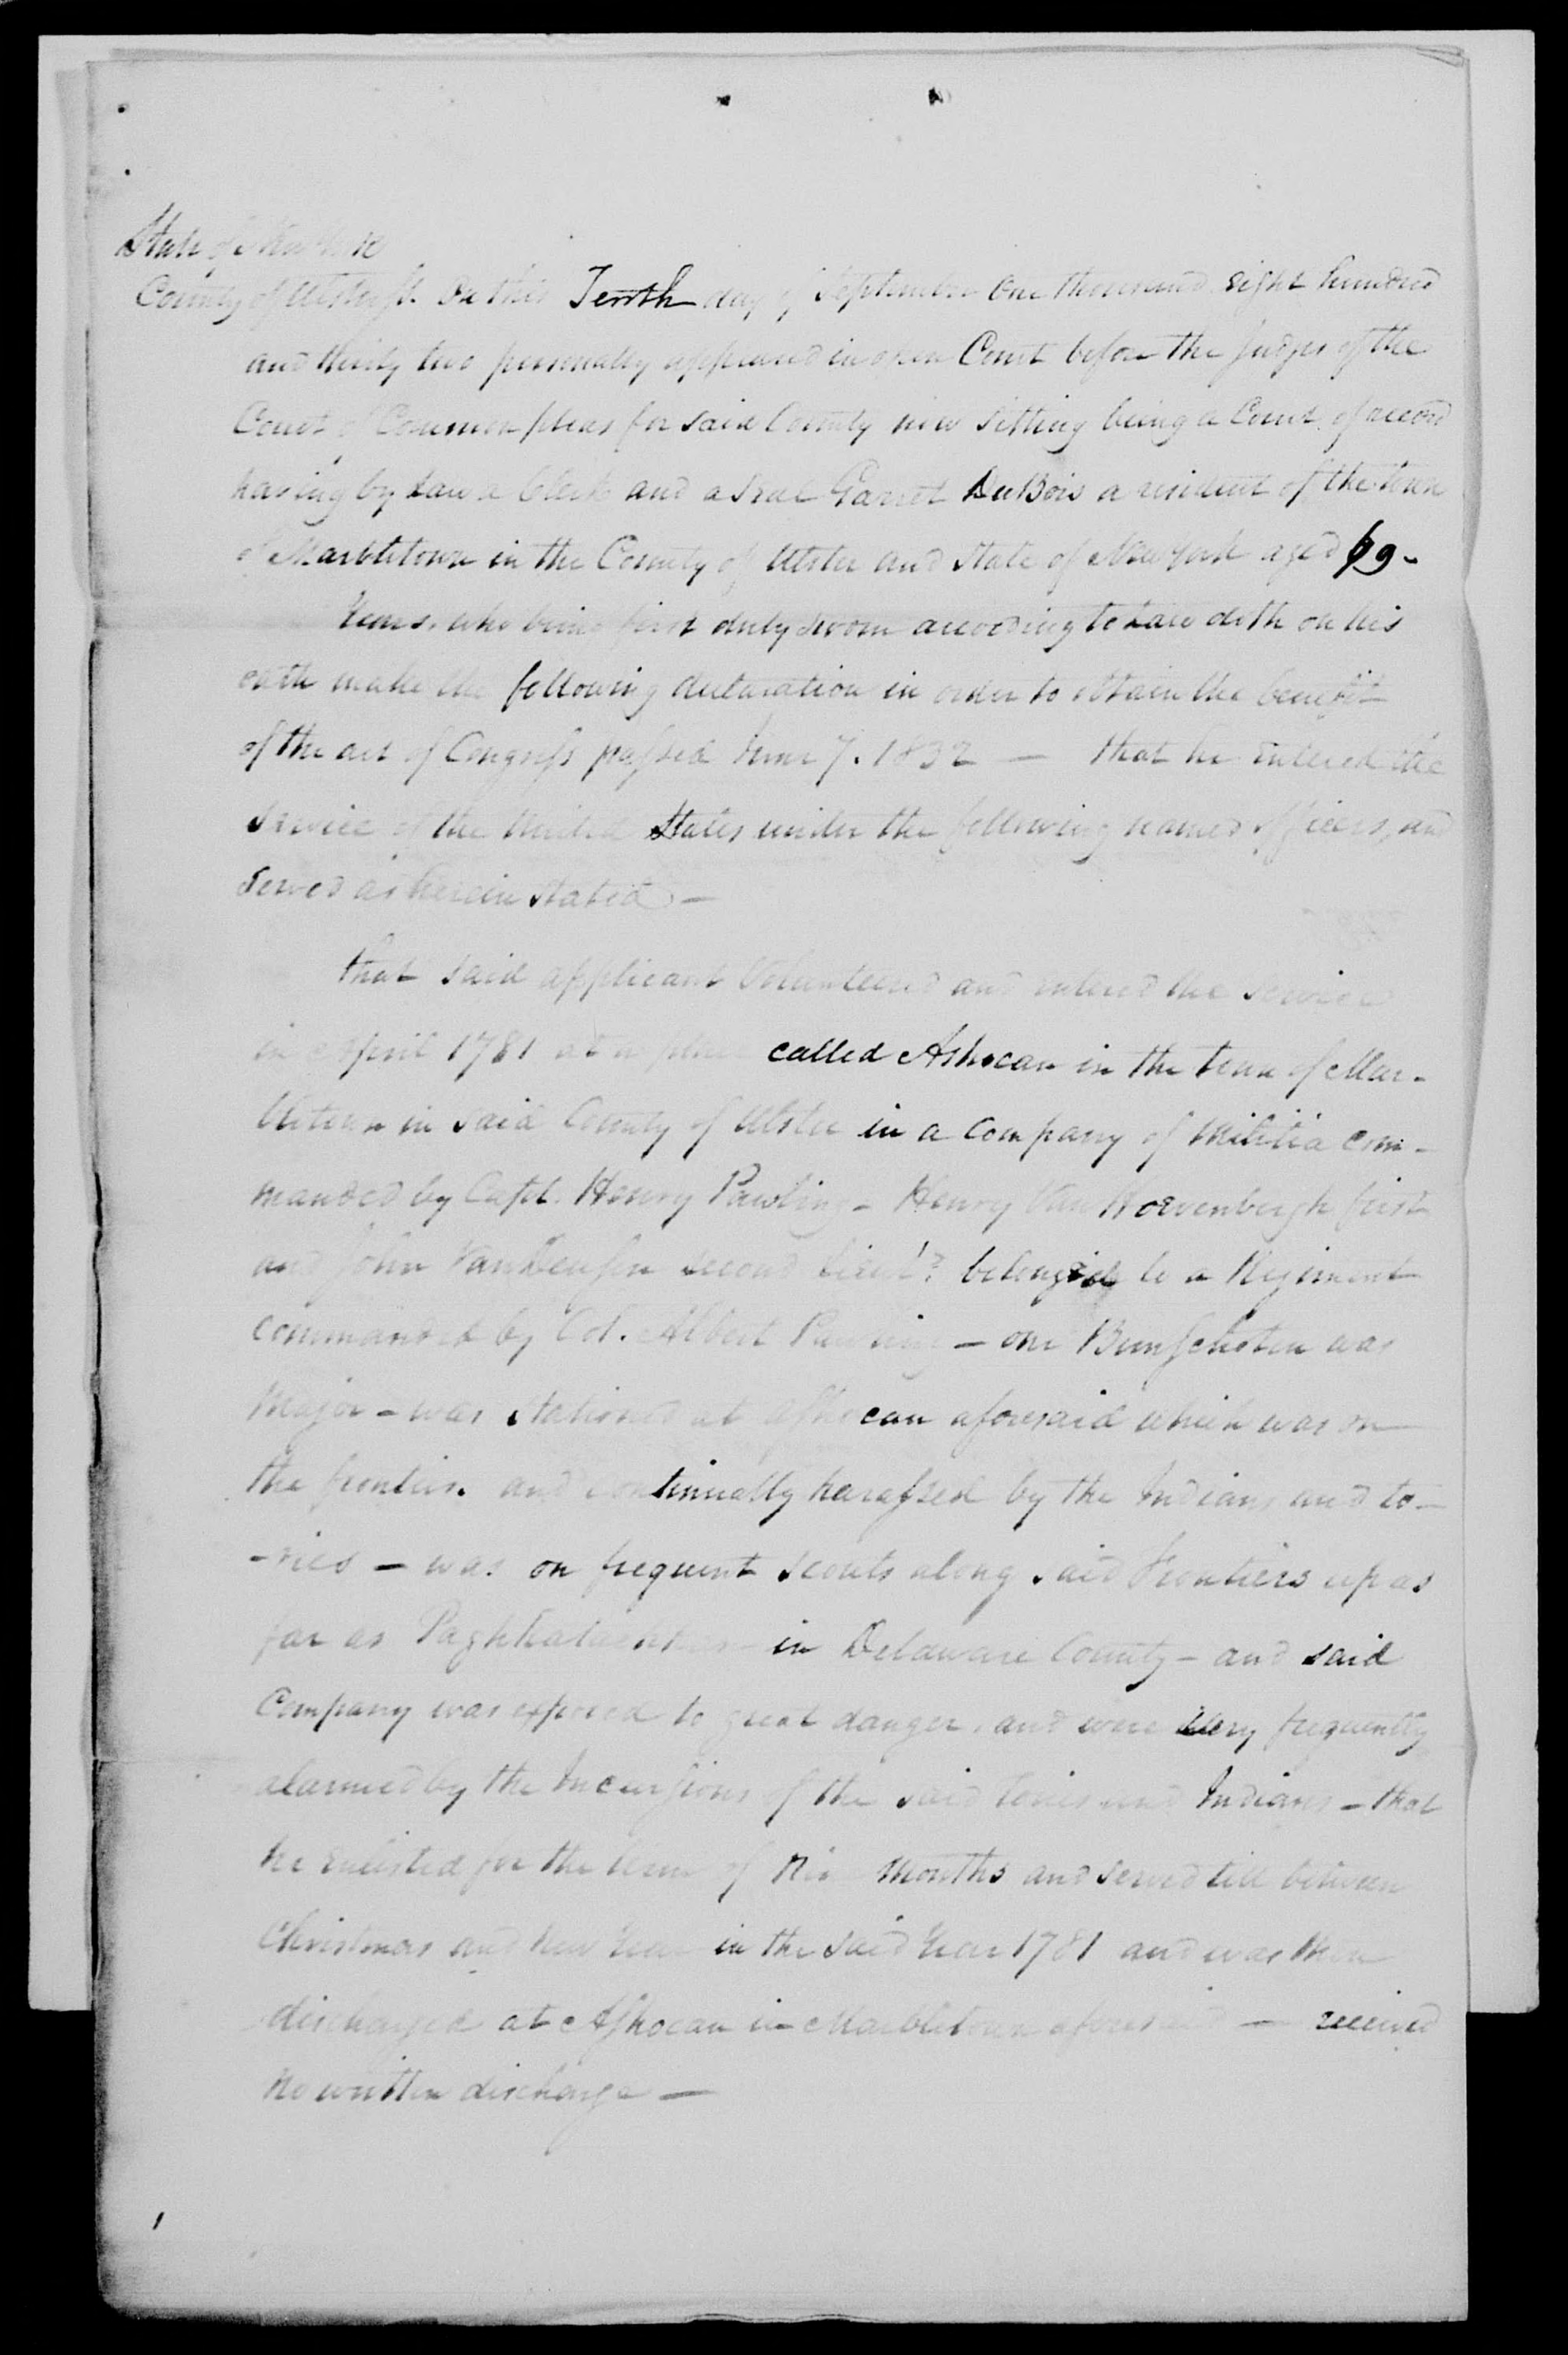State of New York}
County of Ulster}
On this Tenth day September One thousand eight hundred
and thirty two personally appeared in open Court before the Judges of the
Court of Common pleas for said County now sitting being a Court of record
having by Law Clerk and a seal Garret Dubois a resident of the town
Marbletown in the County of Ulster and State of New York aged 69
years, who being first duly sworn according to law doth on his
oath make the following declaration in order to obtain the benefit
of the act of Congress passed June 7, 1832 - that he entered the
service of the United States under the following named officers and
served as herein stated
that said applicant volunteered and entered the service
in April 1781 at a place called Ashocan in the town of Marbletown
in said County of Ulster in a company of Militia
commanded by Capt. Henry Pawling - Henry Van Hoevenburgh first
and John Vandeusen second Lieut? belonged to a Regiment
commanded by Col. Albert Pawling - one Benschoten was
Major - was stationed at Ashocan aforesaid which was on
the frontier and continually harassed by the Indians and tories -
was on frequent scouts along said Frontiers up as
far as Paghkataehkan (Pakatakan) in Delaware County and said
company was exposed to great danger, and were very frequently
alarmed by the Incursions of the said tories and Indians - that
he enlisted for the term of nine months and served till between
Christmas and New year in the said year 1781 and was then
discharged at Ashocan in Marbletown aforesaid - received 
no written discharge-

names: Henry Van Hoevenbergh, Bunschoten, Albert Pawling, Henry Pawling, Garret Du Bois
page: 8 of 36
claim: widow's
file: W 20995, Gerrit Dubois, New York